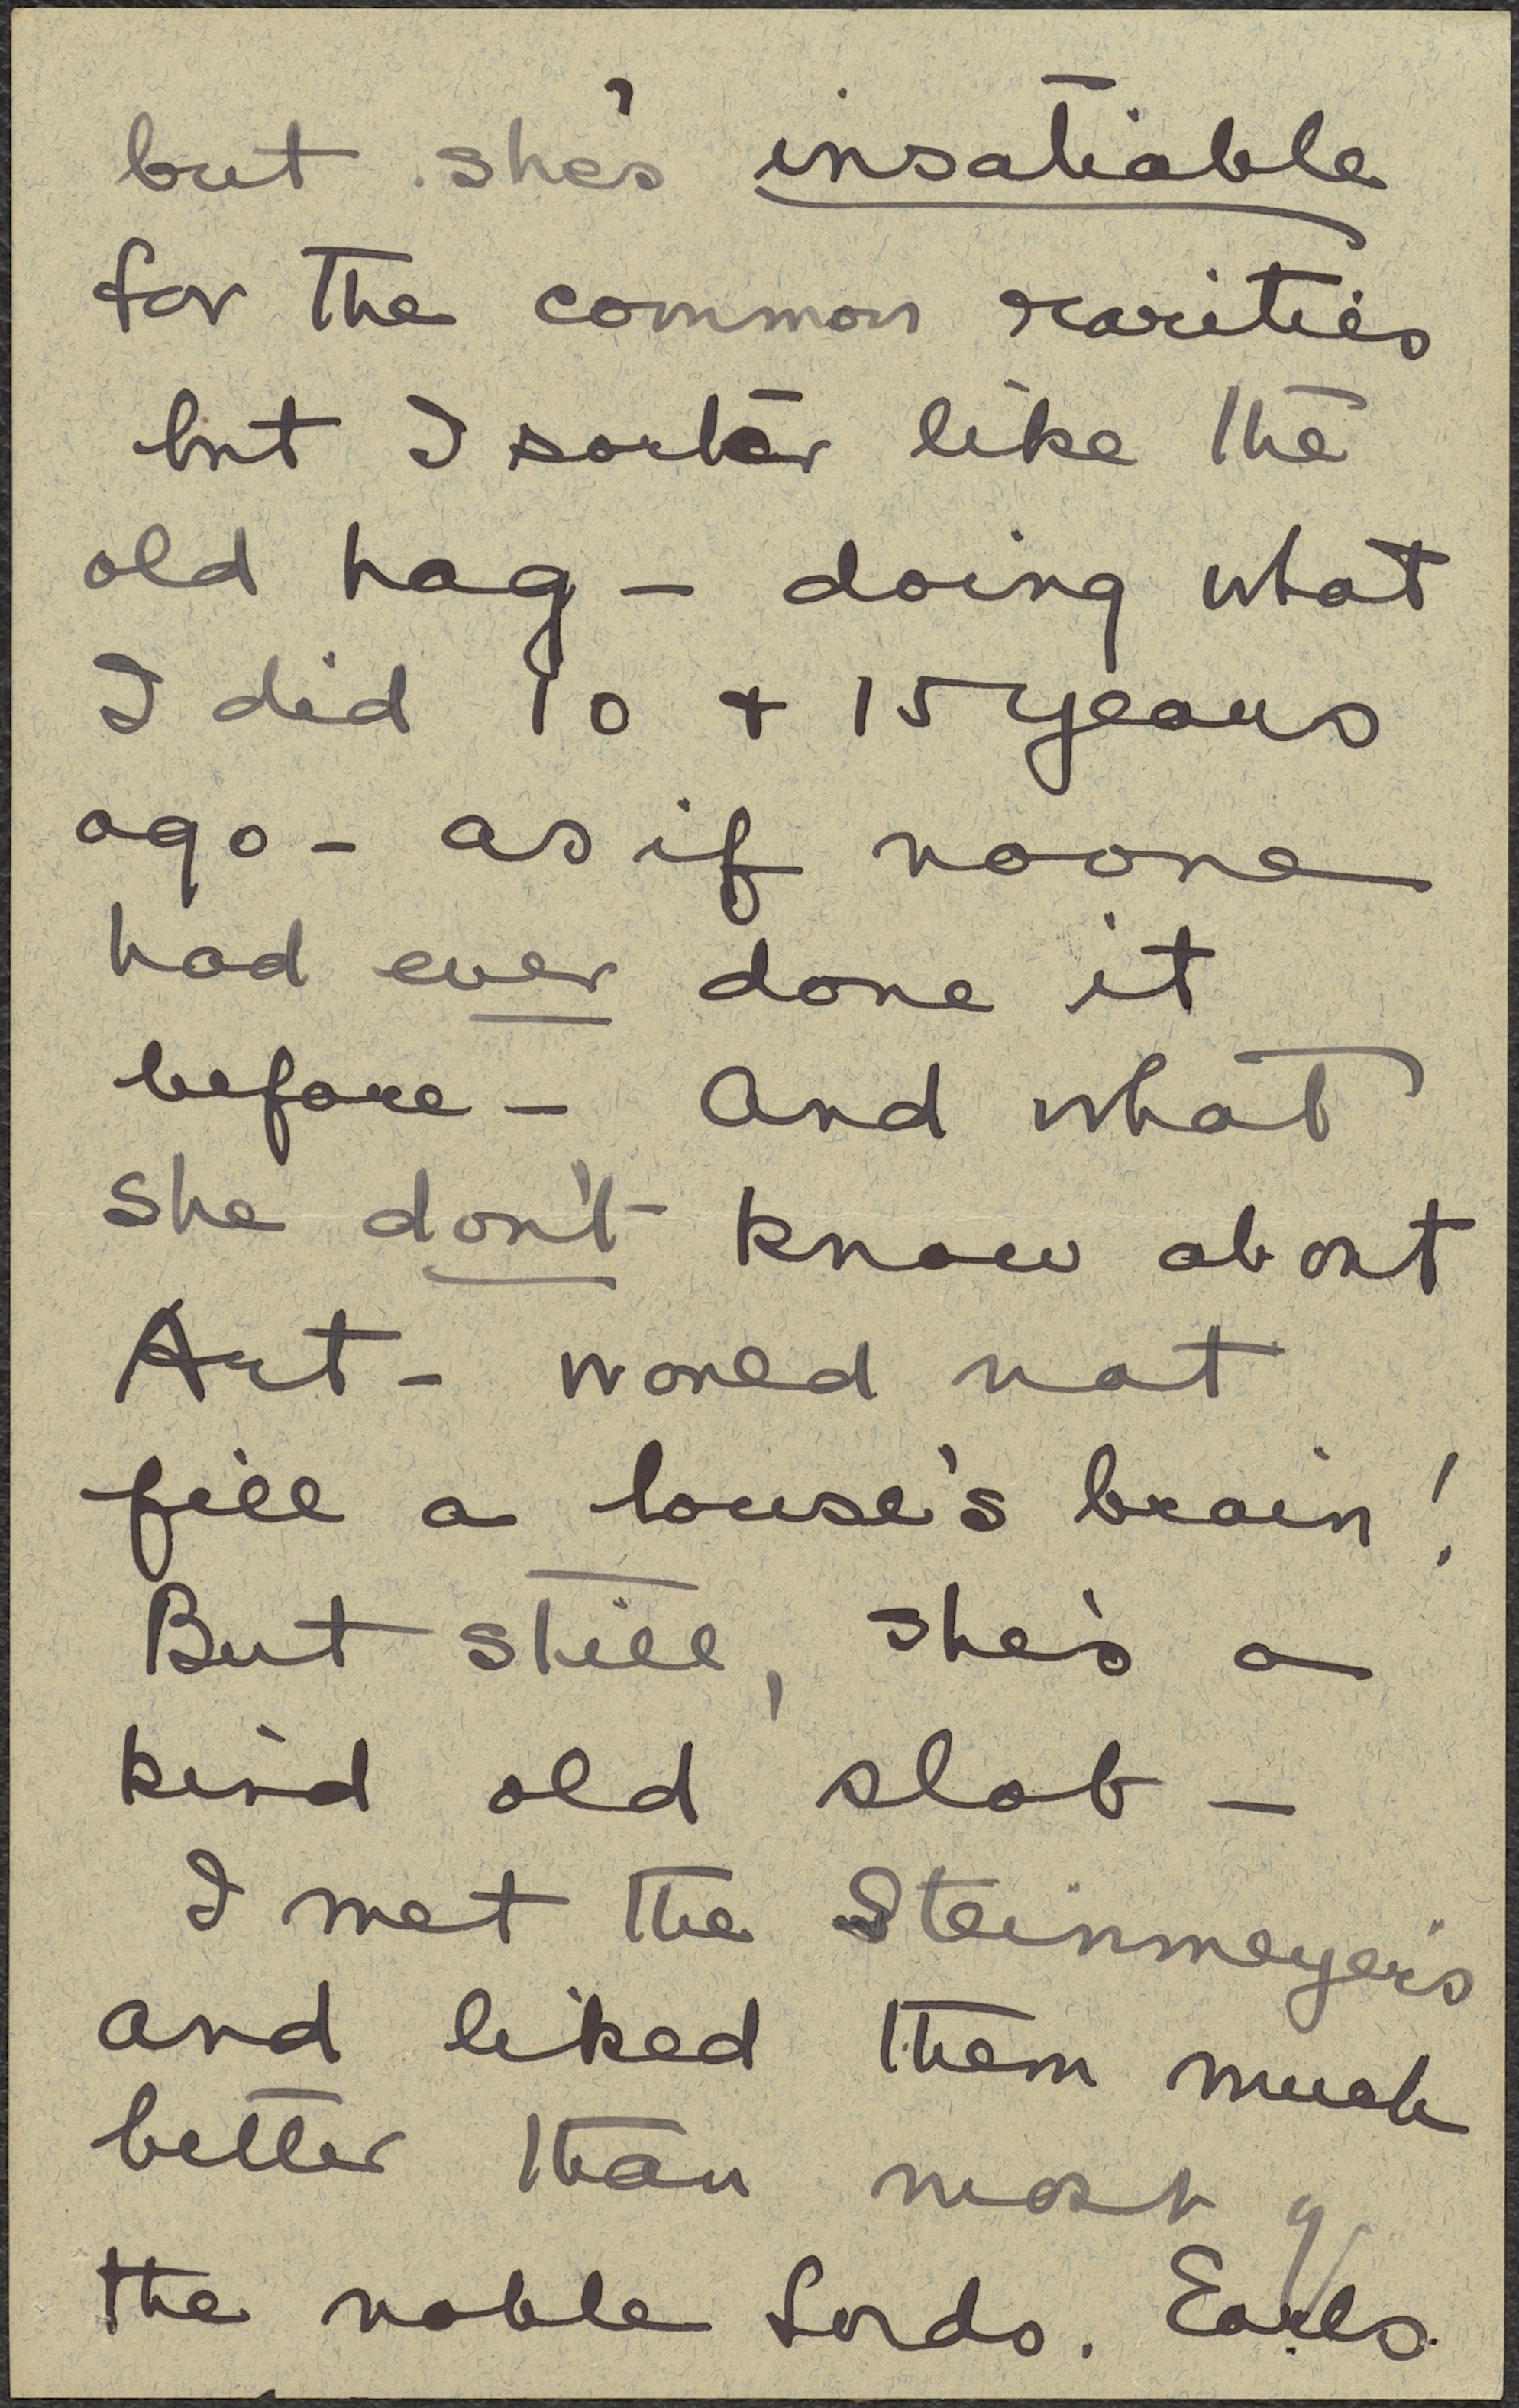but she’s insatiable for the common rarities but I sorter like the old hag – doing what I did 10 & 15 years ago – as if no one had ever done it before – and what she don’t know about Art – would not fill a louse’s brain! But still, she’s a kind old slob –
I met the Steinmeyer's [sic] and liked them much better than most of the noble Lords, Earles,